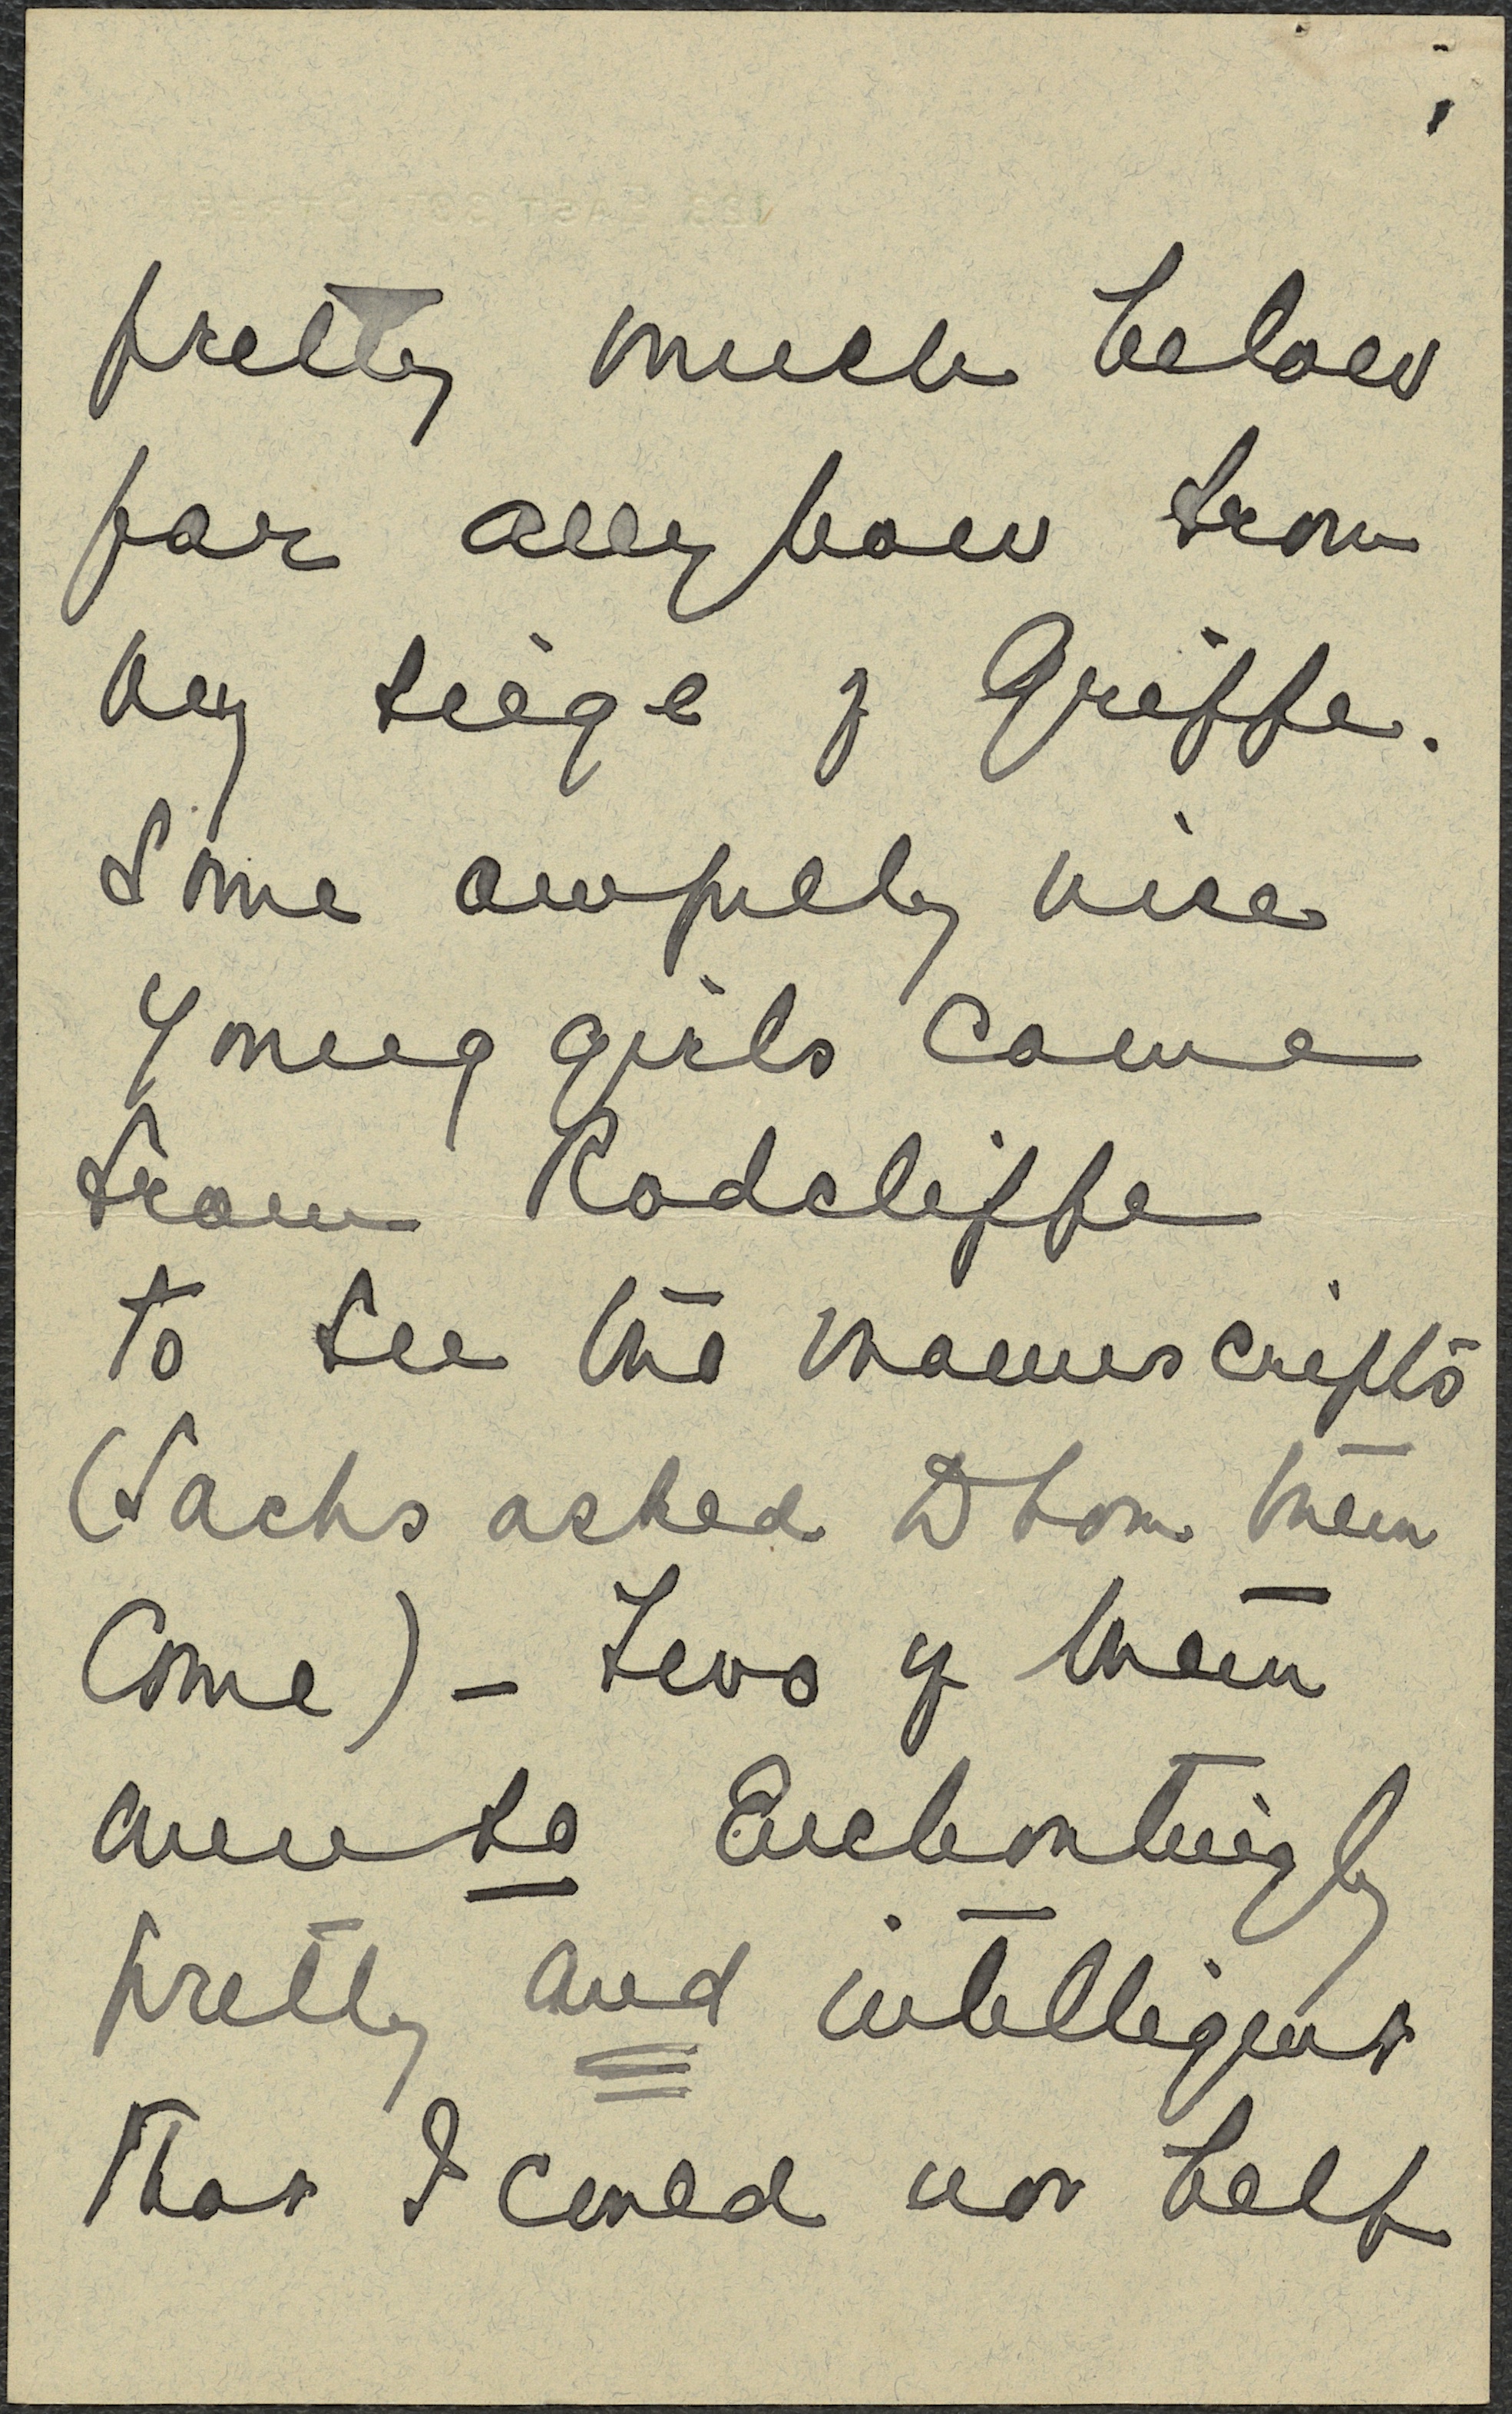pretty much below far anyhow from my siege of Grippe. Some awfully wise young girls came from Radcliffe to see the manuscripts (Sachs asked to have them come) – Two of them are so enchantingly pretty [triple underlined: and] intelligent that I could not help